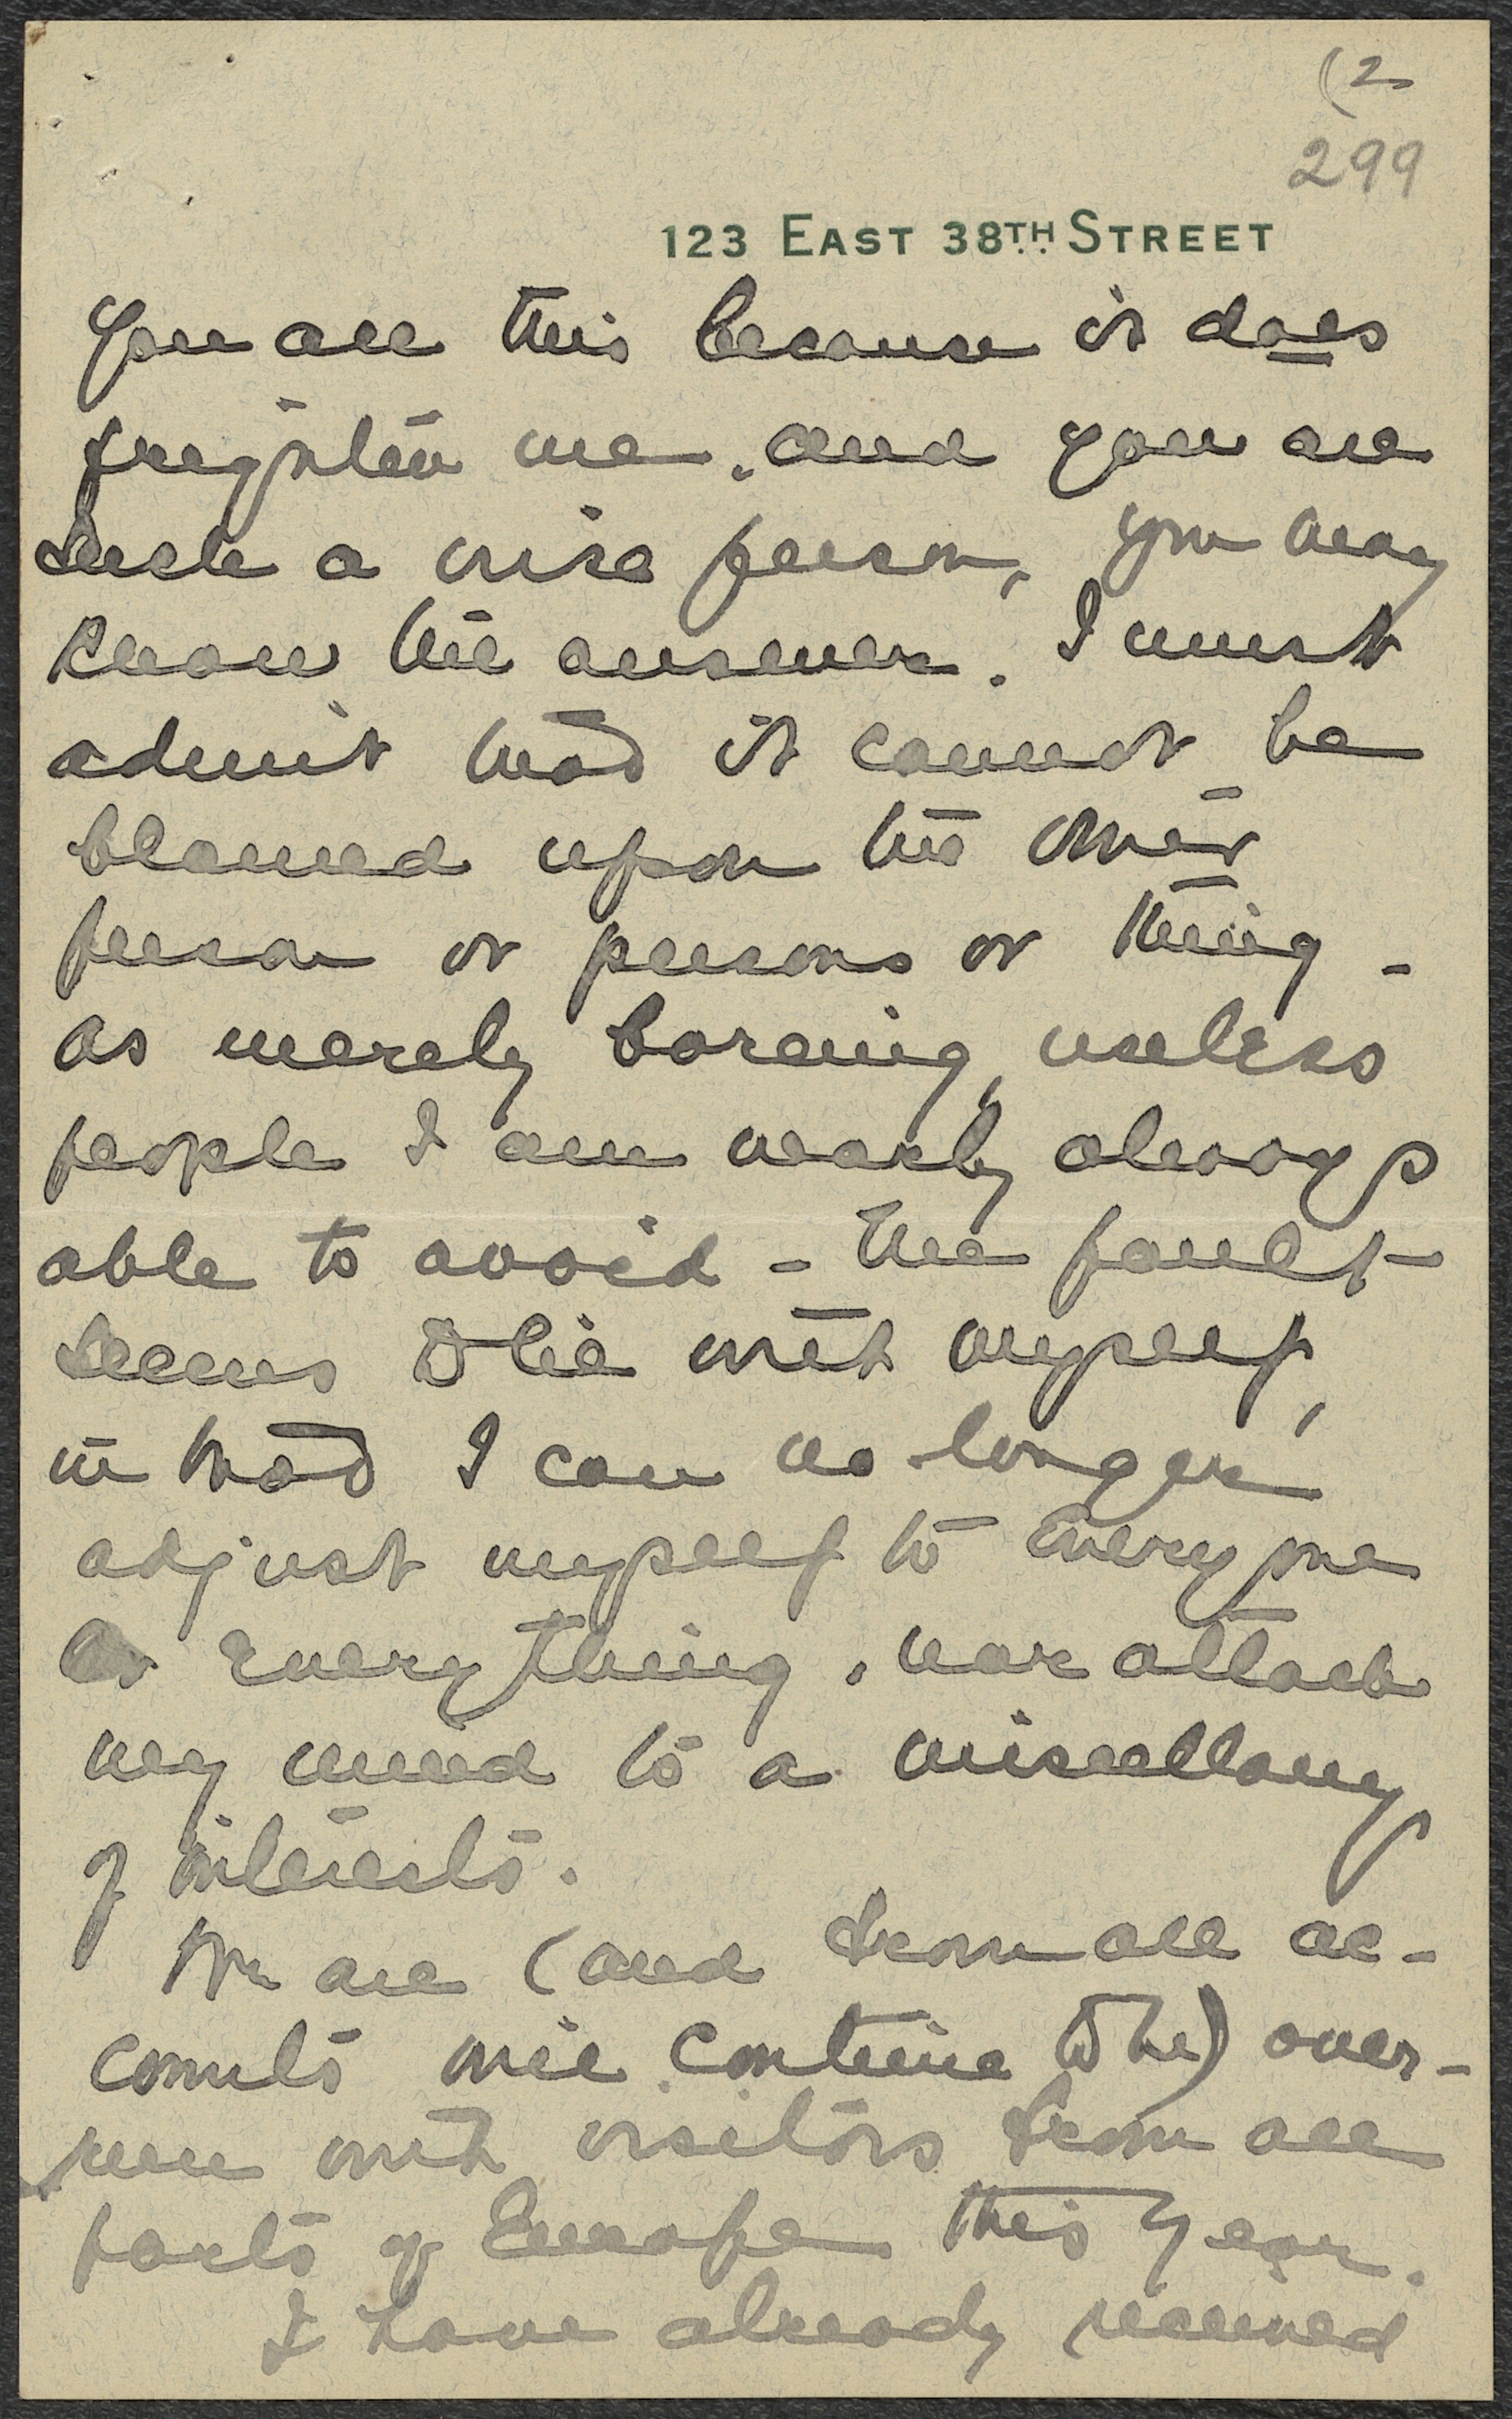you all this because it does frighten me and you are such a wise person, you may know the answer. I must admit that it cannot be blamed upon the other person or persons or thing – as merely boreing [sic] useless people I am nearly always able to avoid – the fault seems to lie with myself, in that I can no longer adjust myself to everyone & everything, nor attach my mind to a miscellany of interests.
We are (and from all accounts will continue to be) overrun with visitors from all parts of Europe this year. I have already received